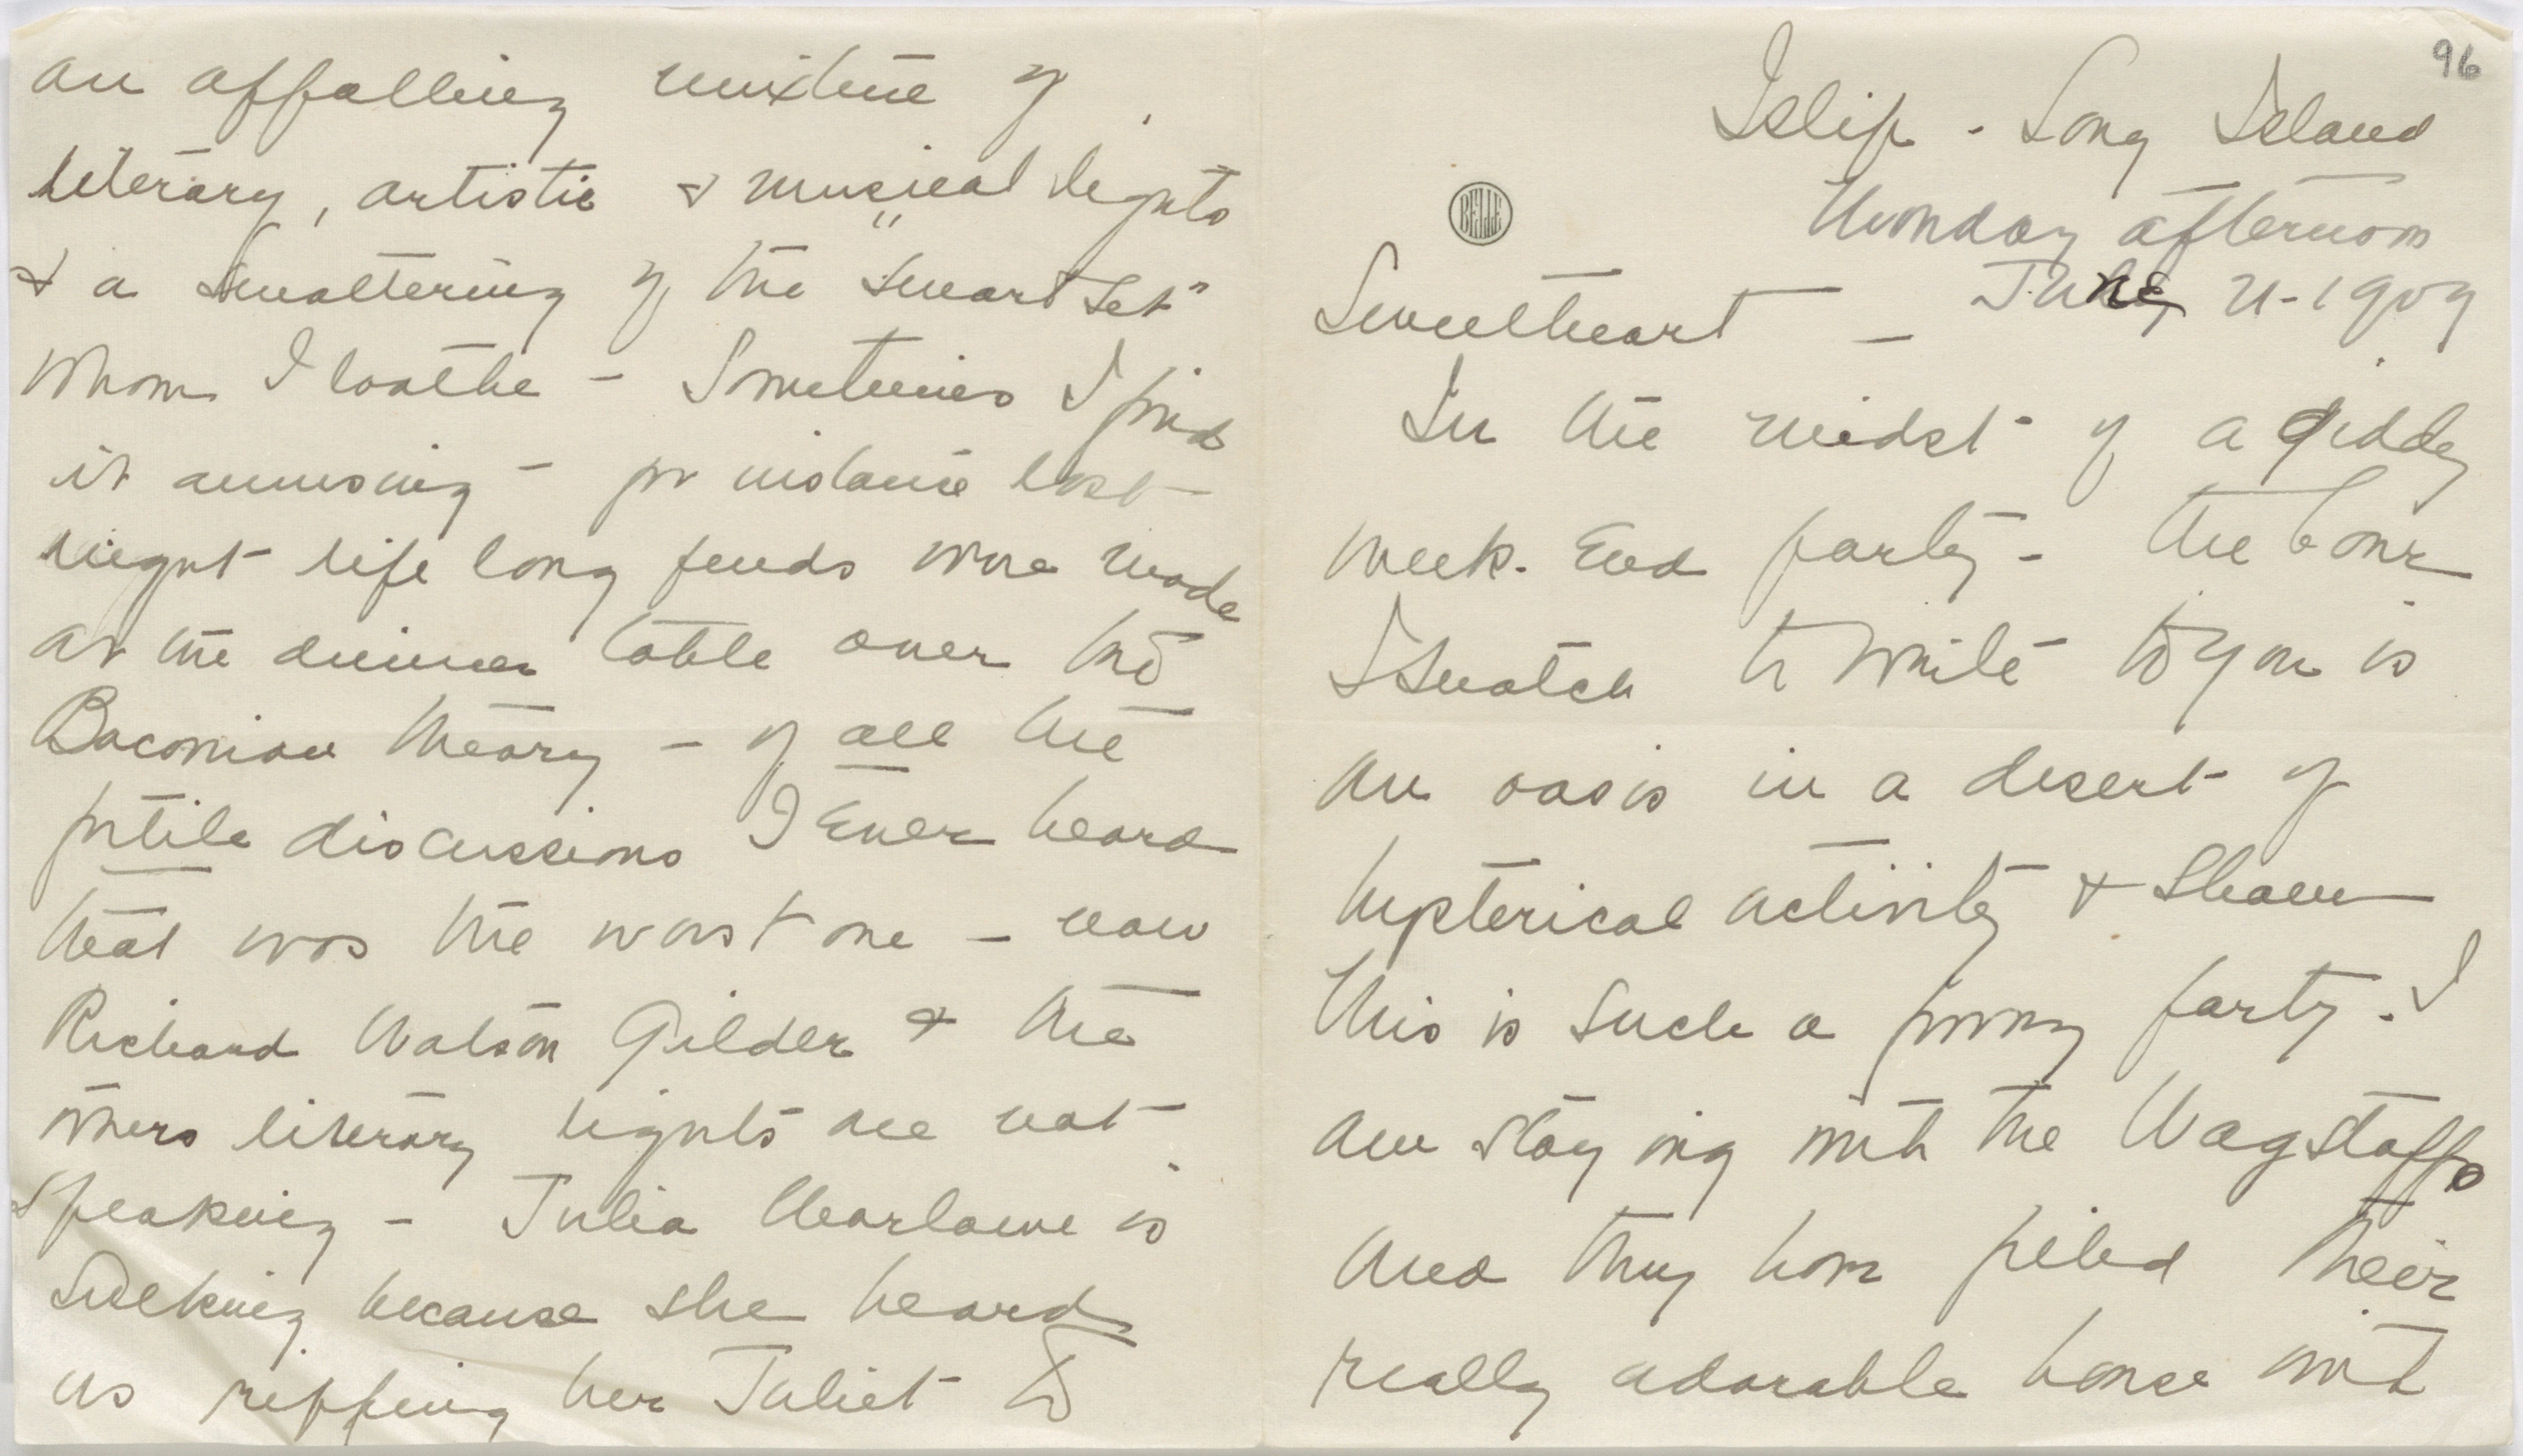Islip – Long Island
Monday afternoon
Julyne 21 – 1909
Sweetheart –
In the midst of a giddy week-end party – the hour I snatch to write to you is an oasis in a desert of hysterical activity & show
This is such a funny party – I am staying with the Wagstaffs and they have filled their really adorable house with
an appalling mixture of literary, artistic & musical lights & a smattering of the “smart set” whom I loathe – Sometimes I find it amusing – for instance last night life long feuds were made at the dinner table over the Baconian theory – of all the futile discussions I ever heard that was the worst one – now Richard Watson Gilder & the others [sic] literary lights are not speaking – Julia Marlowe is sulking because she heard us ripping her Juliet to